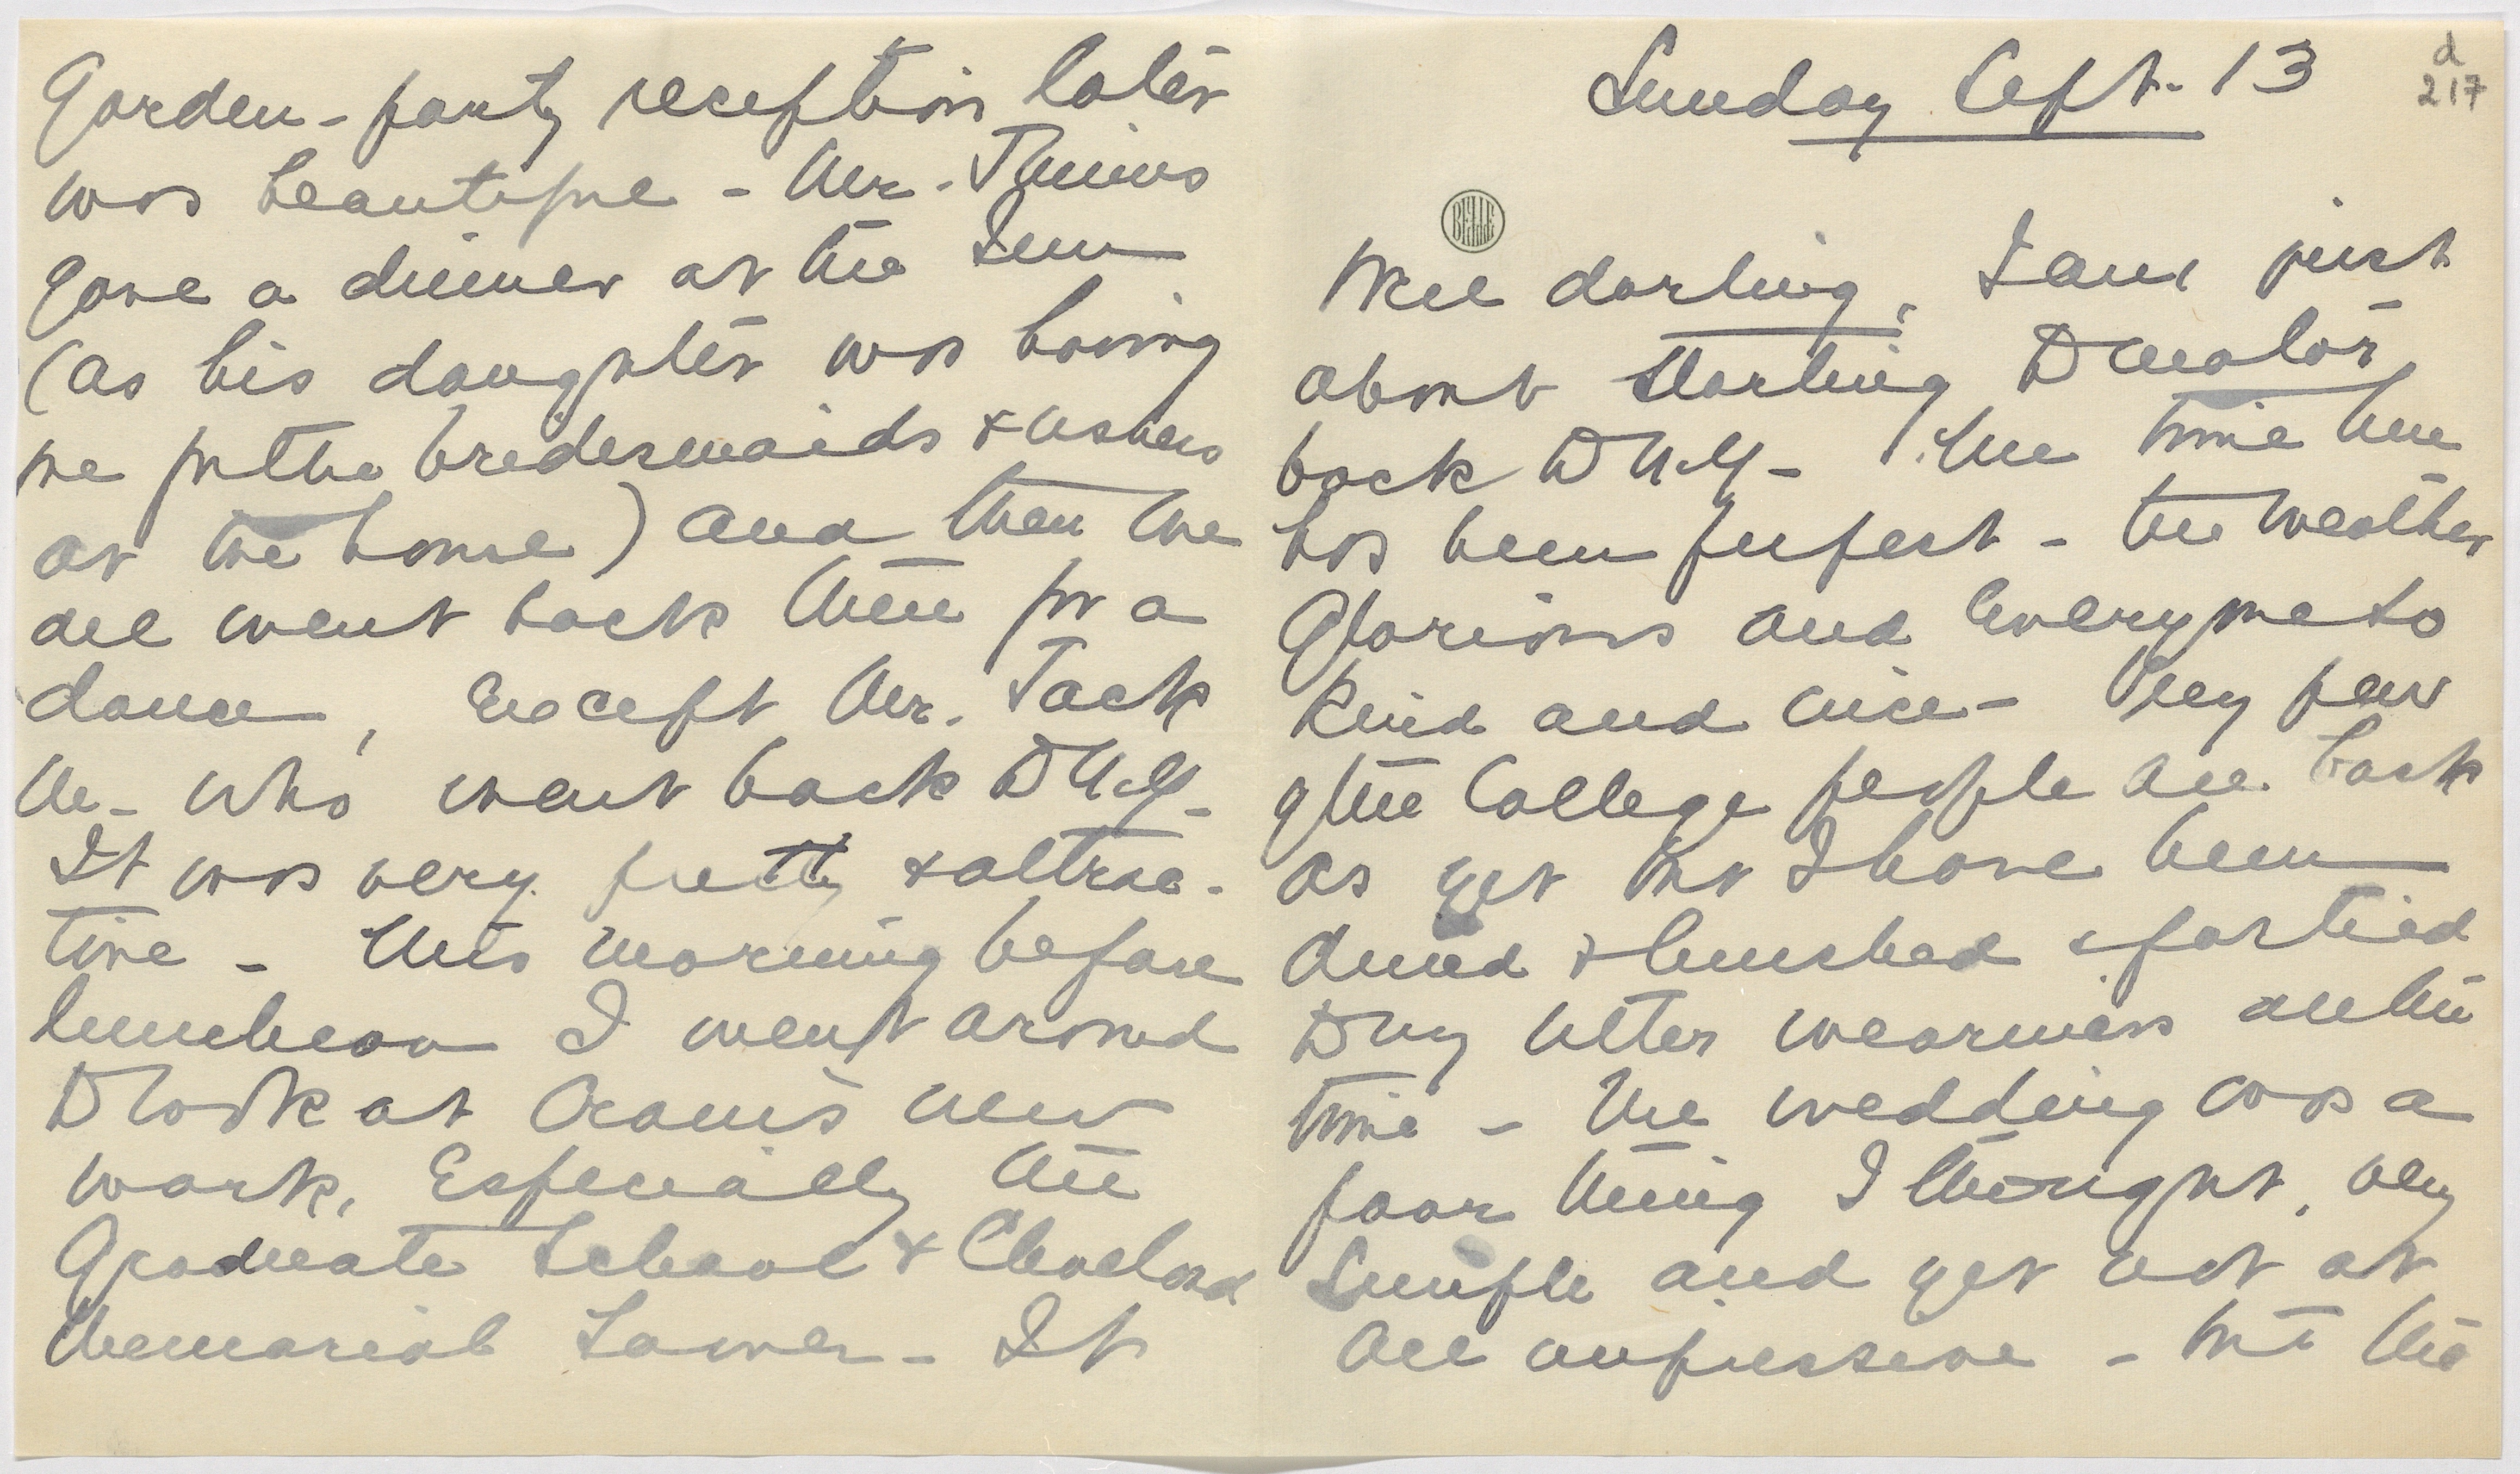Sunday Sept. 13
Well darling, I am just about starting to motor back to N.Y – The time here has been perfect – the weather glorious and everyone so kind and nice – Very few of the college people are back as yet but I have been dined & lunched & partied to my utter weariness all the time – The wedding was a poor thing I thought, very simple and yet not at all impressive – but the
garden-party reception later was beautiful – Mr. Junius gave a dinner at the Inn (as his daughter was having one for the bridesmaids & ushers at the home) and then we all went back there for a dance, except Mr. Jack M – who went back to N.Y. It was very pretty & attractive – this morning before luncheon I went around to look at Cram's new work, especially the Graduate School & Cleveland Memorial Tower – It